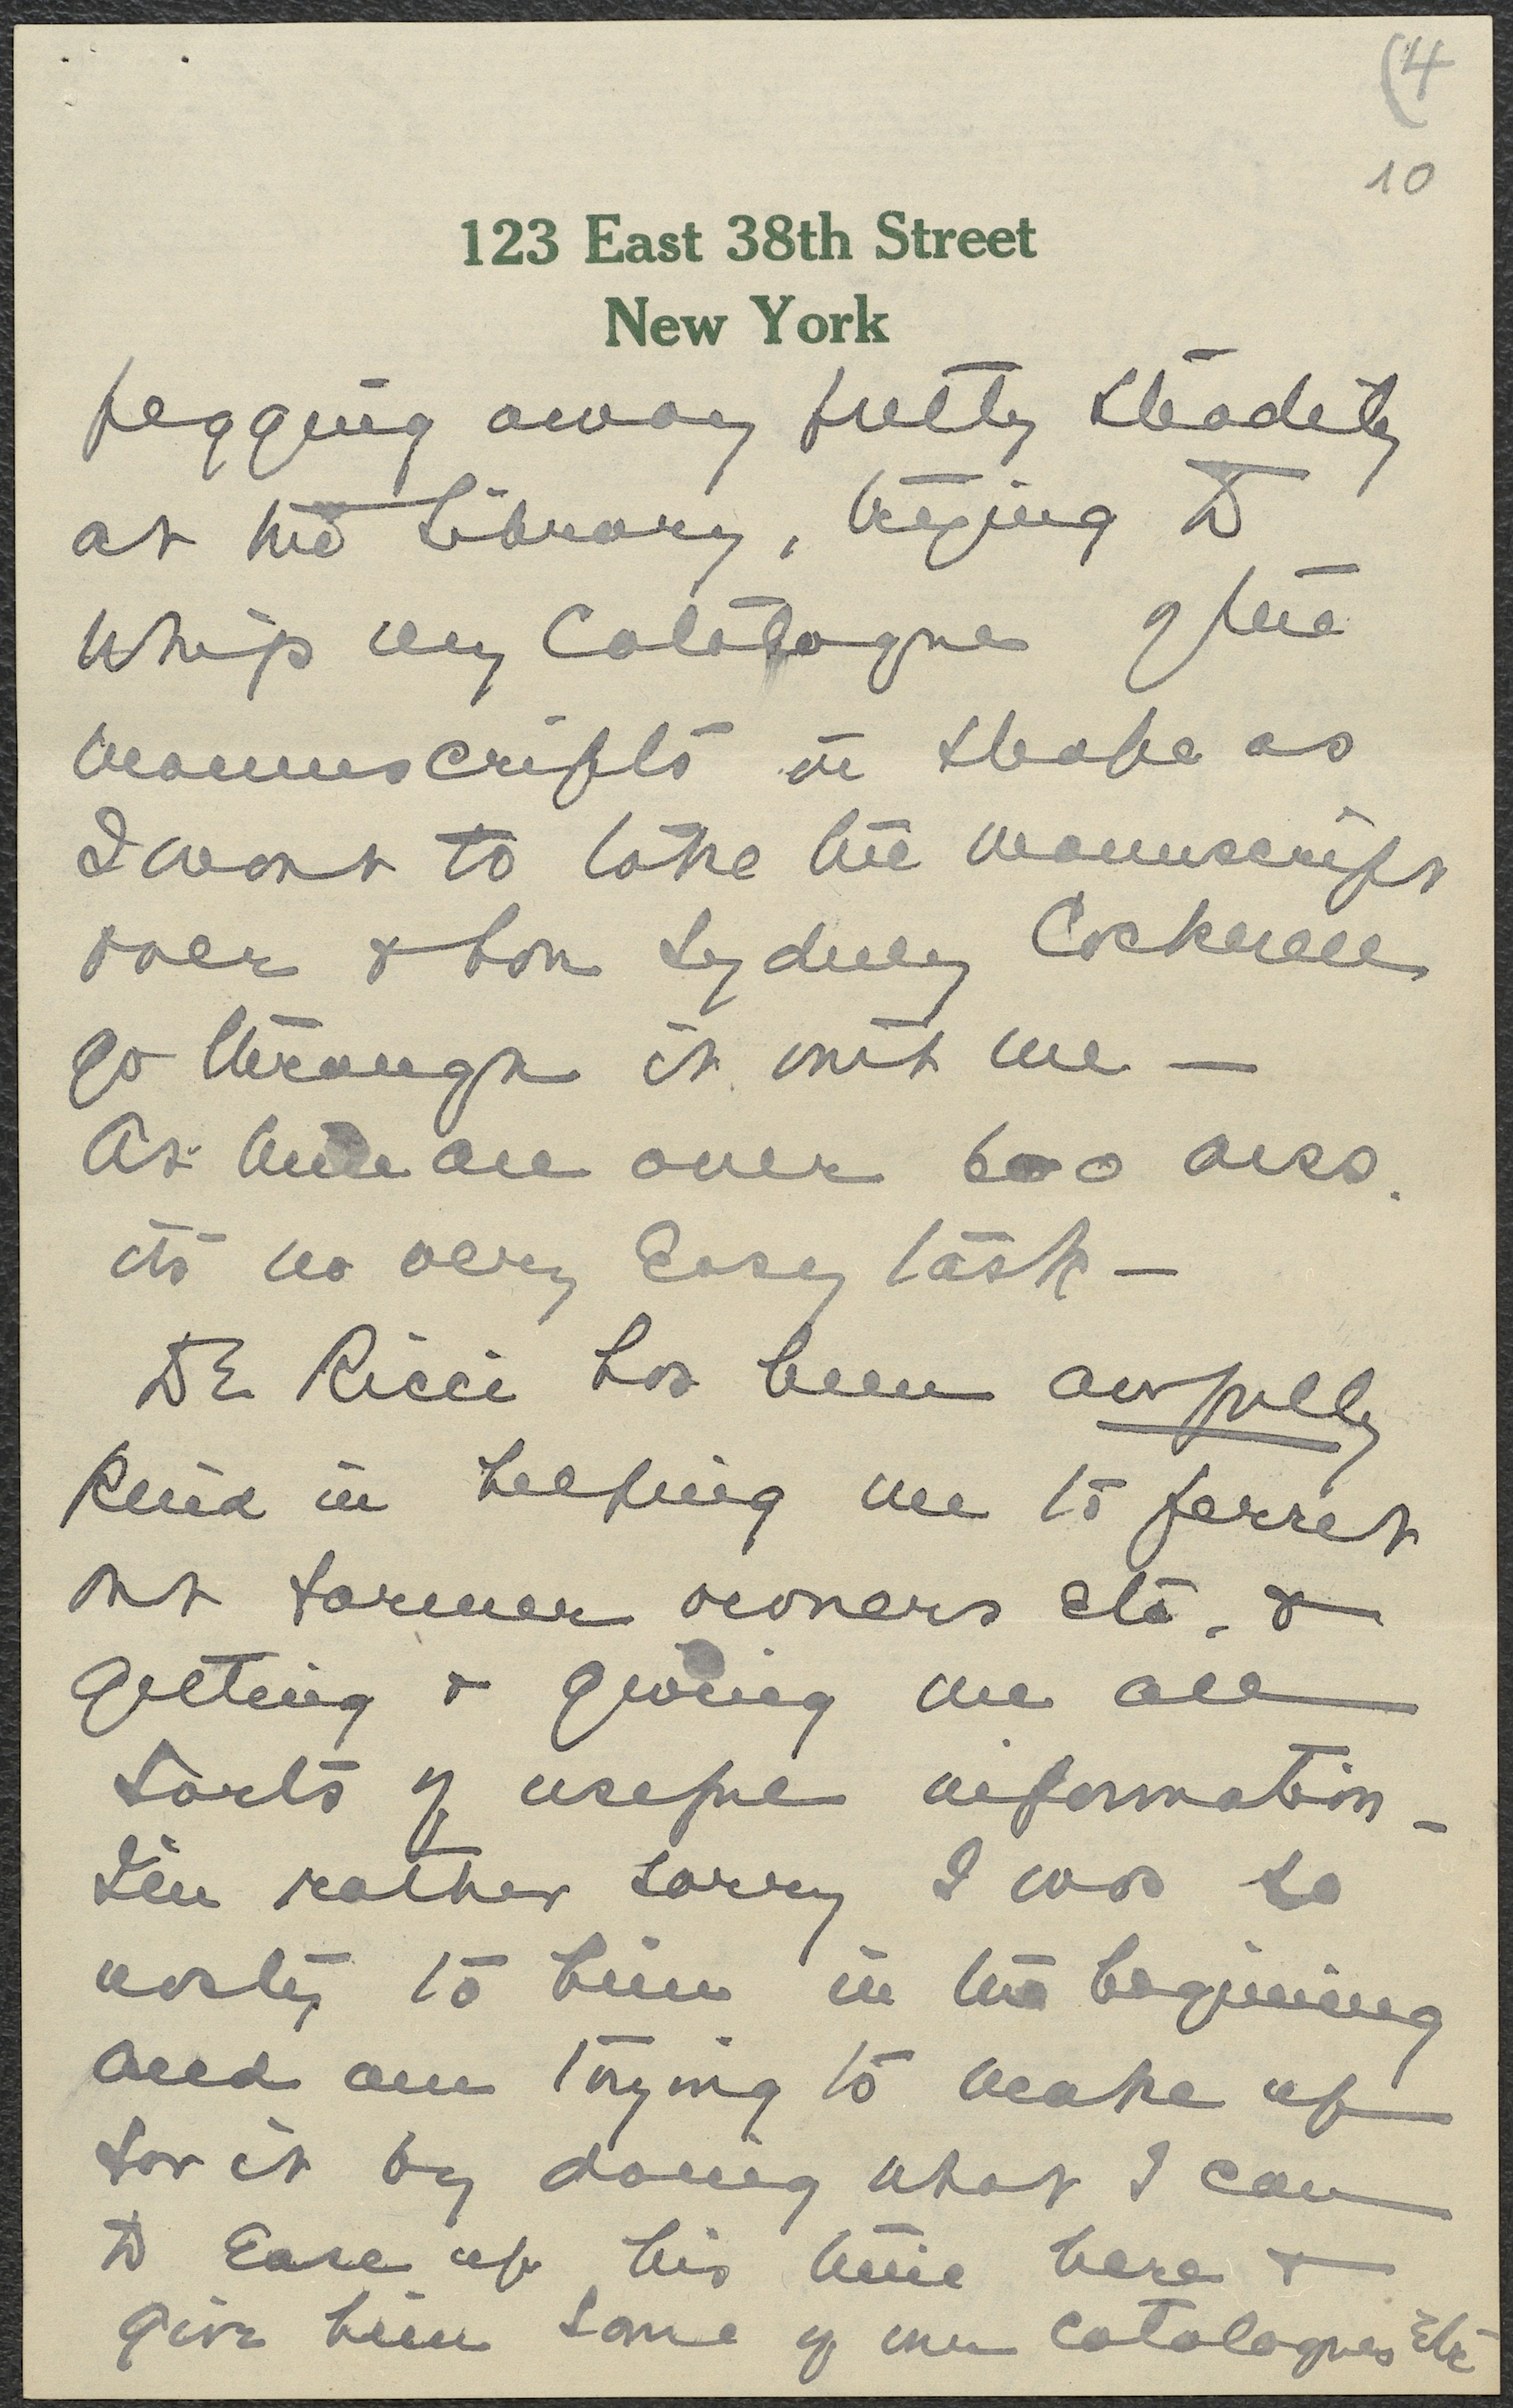pegging away pretty steadily at this Library, trying to whip my catalogue of the manuscripts in shape as I want to take the manuscripts over & have Sydney Cockerell go through it with me – as there are over 600 MSS. its no very easy task –
De Ricci has been awfully kind in helping me to ferret out former owners etc. & getting & giving me all sorts of useful information – I'm rather sorry I was so nasty to him in the beginning and am trying to make up for it by doing what I can to ease up his time here & give him some of our catalogues etc.